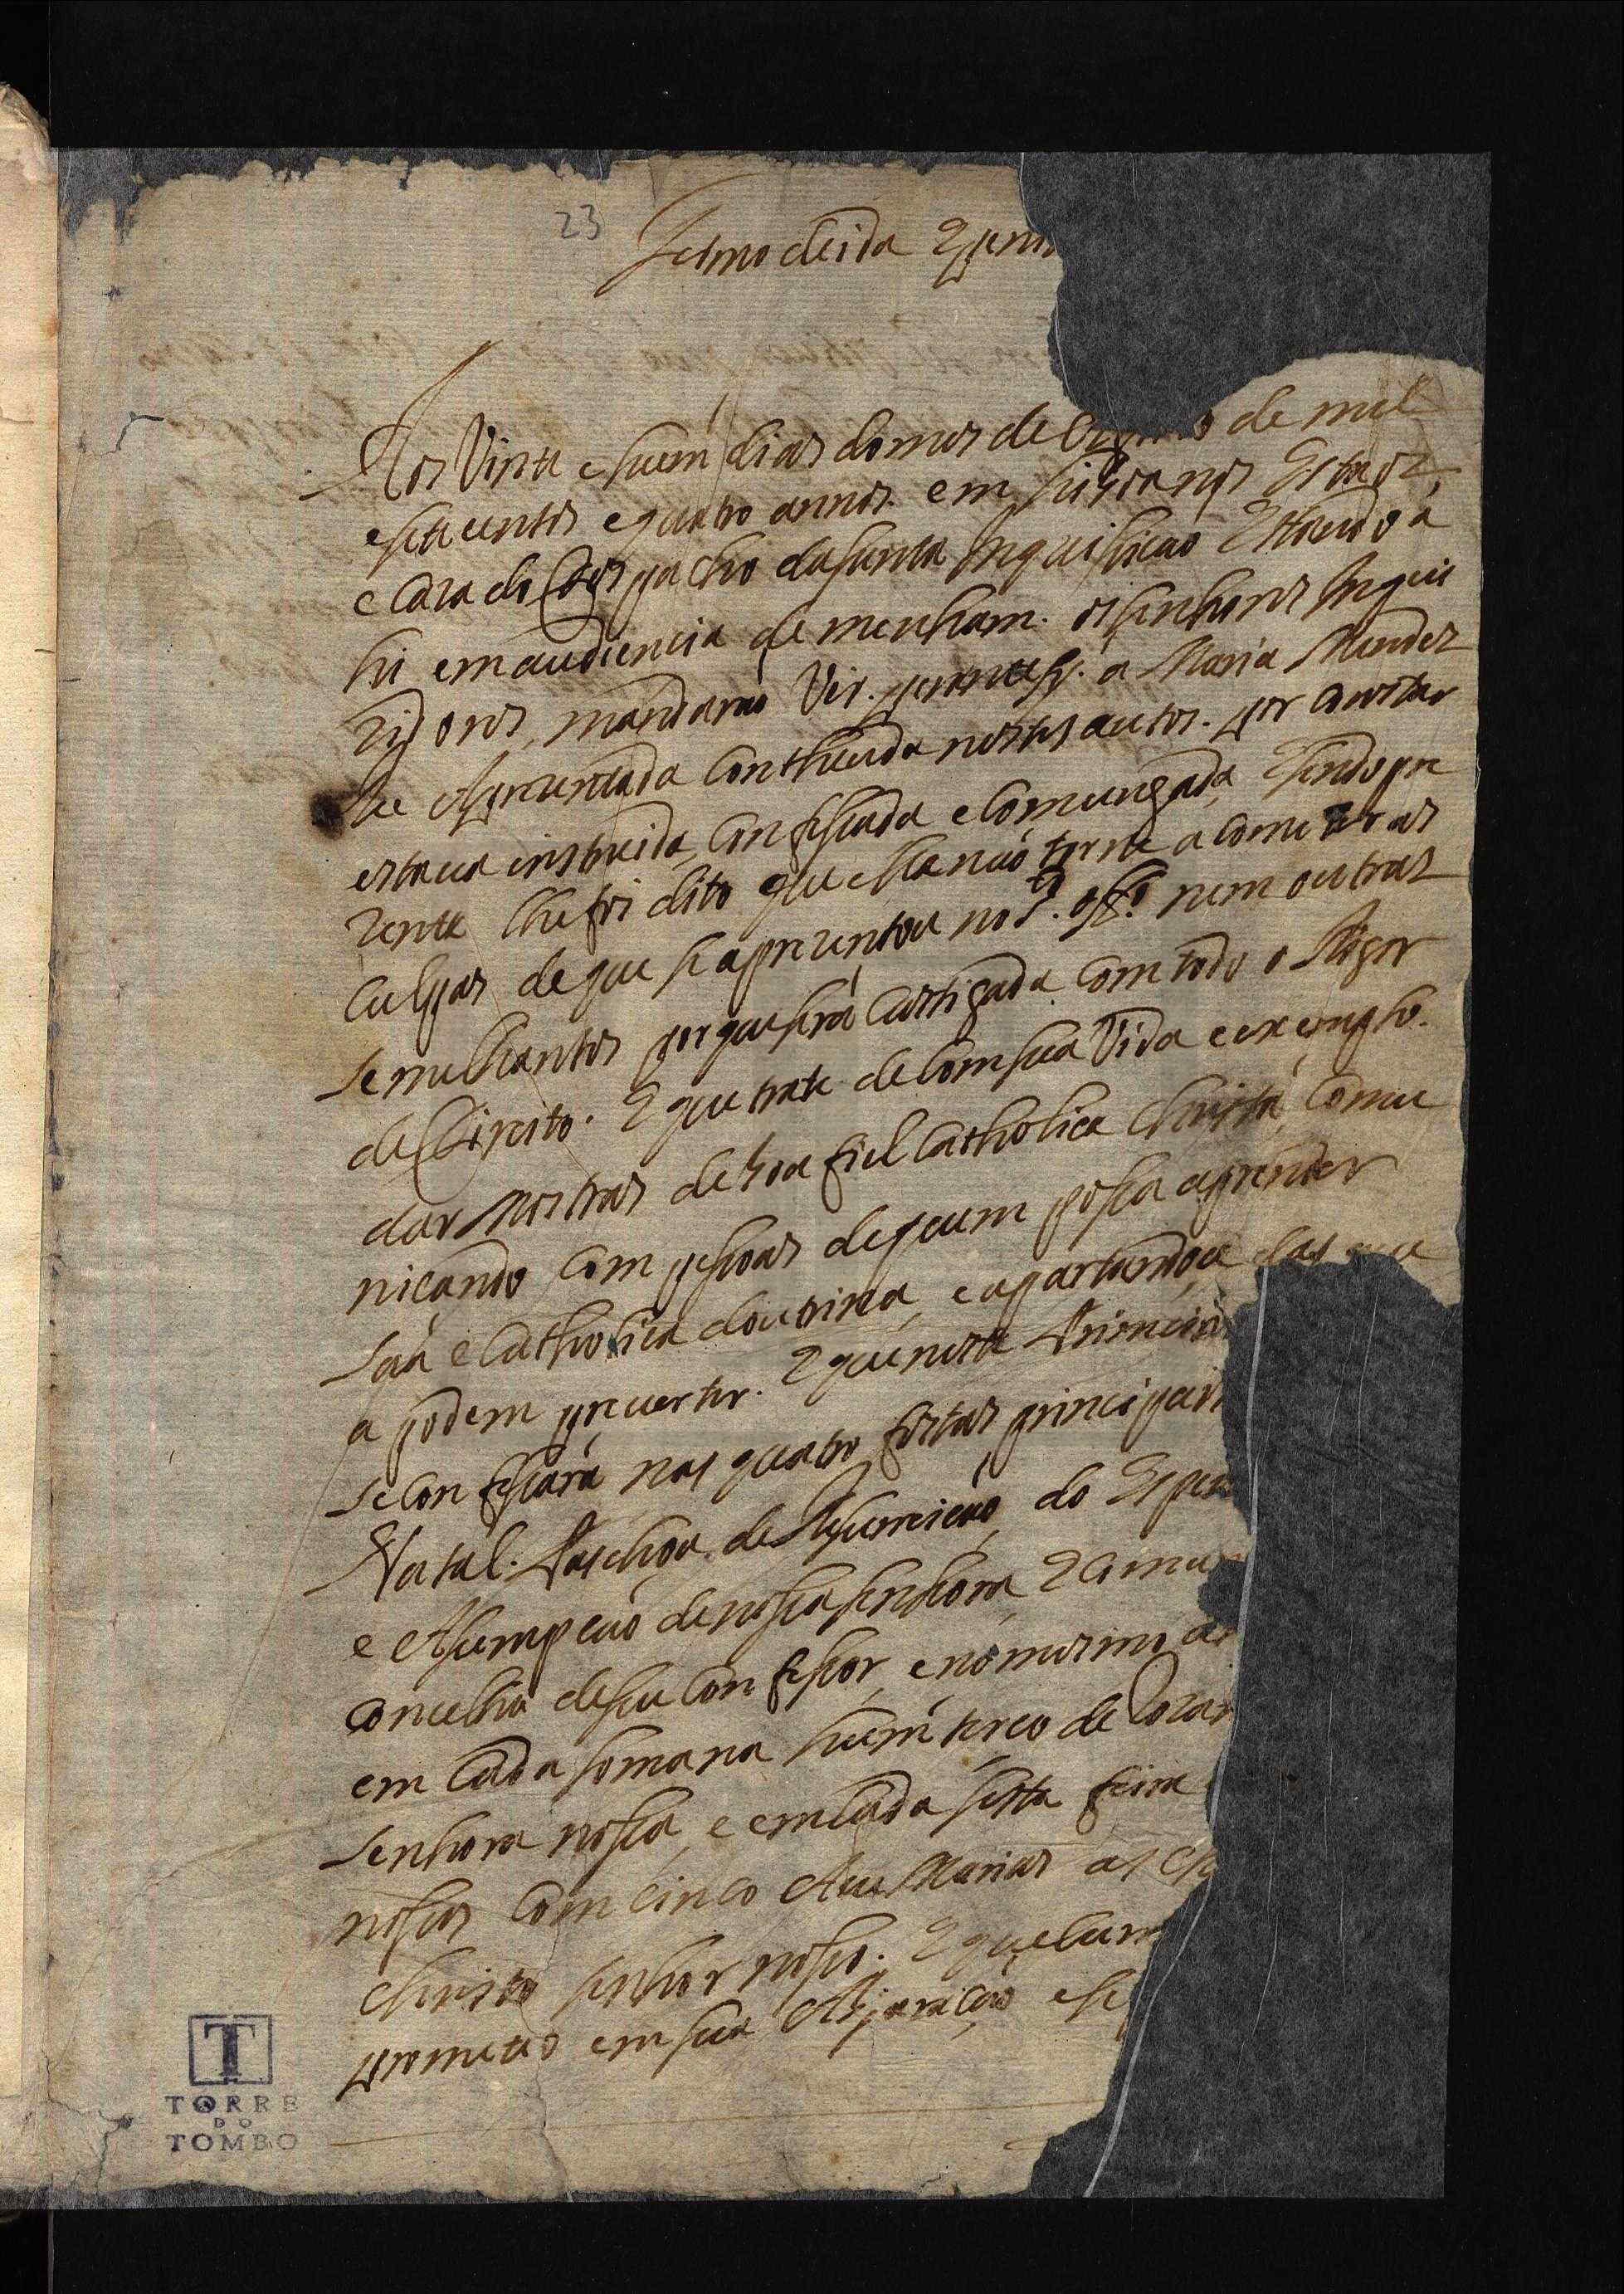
Termo de ida E peni
Aos Vinte e hum dias do mes de
de mil
e setecentos e quatro annos. em Lisboa nos Estaoz,
e caza do Despacho da santa Inquisiçao Estando a
hi em audiencia de menham. os senhores Inqui
zidores, mandaraõ Vir. perante sy. a Maria Mendez
Ree Aprezentada Contheuda nestes autos. por constar
estaua instruida, Confessada e Comungada, E sendo pre
zente lhe foi dito que ella naõ torne a cometer as
Culpas de que se aprezentou no s.to off.o nem outraz
semelhantes porque será Castigada Com todo o Rigor
de Direito. E que trate de Com sua Vida e exemplo
dar mostras de boa fiel Catholica Christā, Comu
nicando com pessoas de quem possa aprender
san e Catholica doutrina, e apartandoce das
a podem preuerter. E que neste Primeir
se confessará nas quatro festas principai
Natal. Paschoa de Resurreição, do Espir
e Asumpçaõ de nossa senhora, E comun
concelho de seu Confessor, e no mesmo a
em Cada somana hum terço de Rozar
senhora nossa, e em Cada sesta feira
nossas Com cinco Aue Marias as ch
christo senhor nosso. E que Cum
prometeo em sua Abjuraçaõ e se
